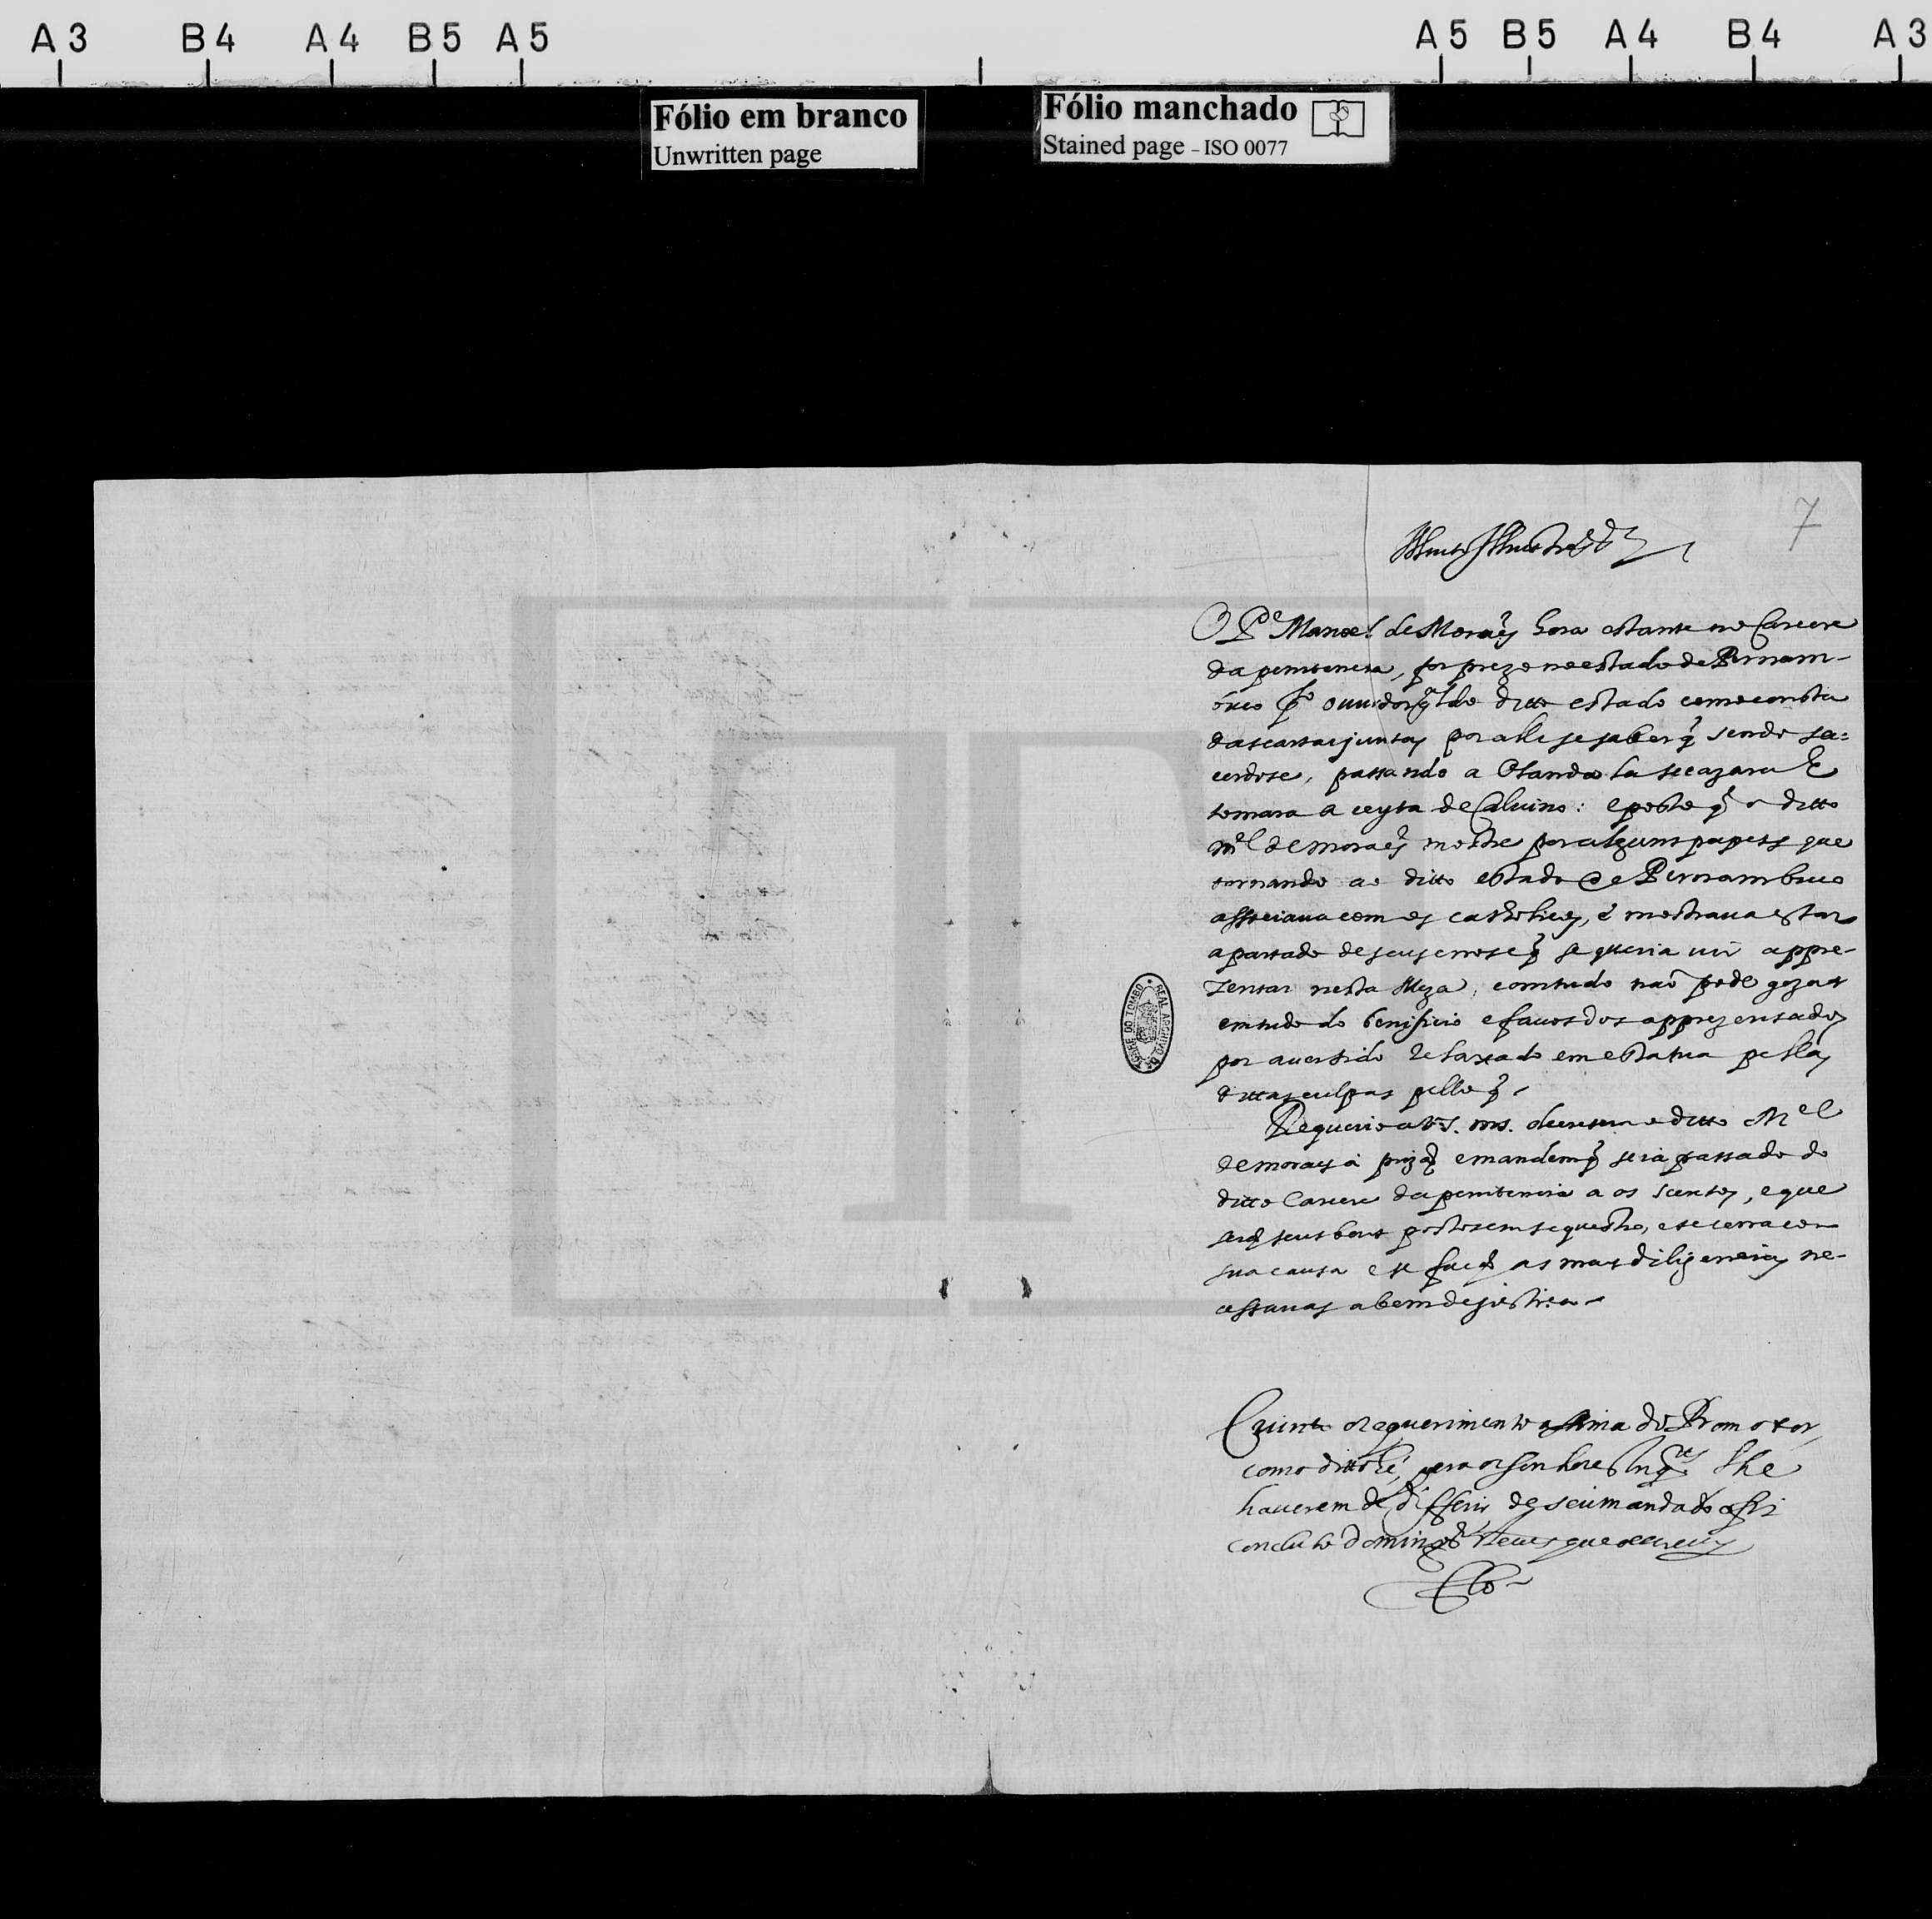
Muito Jllustres s̄res
O Pe Manoel de Moraēs hora estante no Carcere
da penitencia, foi prezo no estado de Pernam
buco plo ouuidor gal do ditto estado como consta
das cartas juntas por elle se saber q̄ sendo sa
cerdote, passando a Olanda la se cazara E
tomara a ceyta de Caluino: e posto q̄ o ditto
mel de moraēs mostre por alguns papeis que
tornando ao ditto estado de Pernambuco
associaua com os catholicos, e mostraua estar
apartado de seus erros e q̄ se queria uir appre
zentar nesta Meza, comtudo naõ pode gozar
em tudo do benificio e fauor dos apprezentados
por auer sido relaxado em estatua pellas
dittas culpas pello q̄
Requeiro a vs. ms. decretem o ditto Mel
de morais à prizaꝭ e mandem q̄ seia passado do
ditto carcere da penitencia aos santos, e que
serão seus bens postos em sequestro, e se cerra com
sua causa e se façaꝭ as mais diligencias ne
cessarias a bem de justiça
E iunto o requerimento assima do Promotor,
como ditto hé, pera os senhores Inq.res lhe
hauerem de differir de seu mandado o fiz
concluso domingos Esteues que o escreuy
Clo
